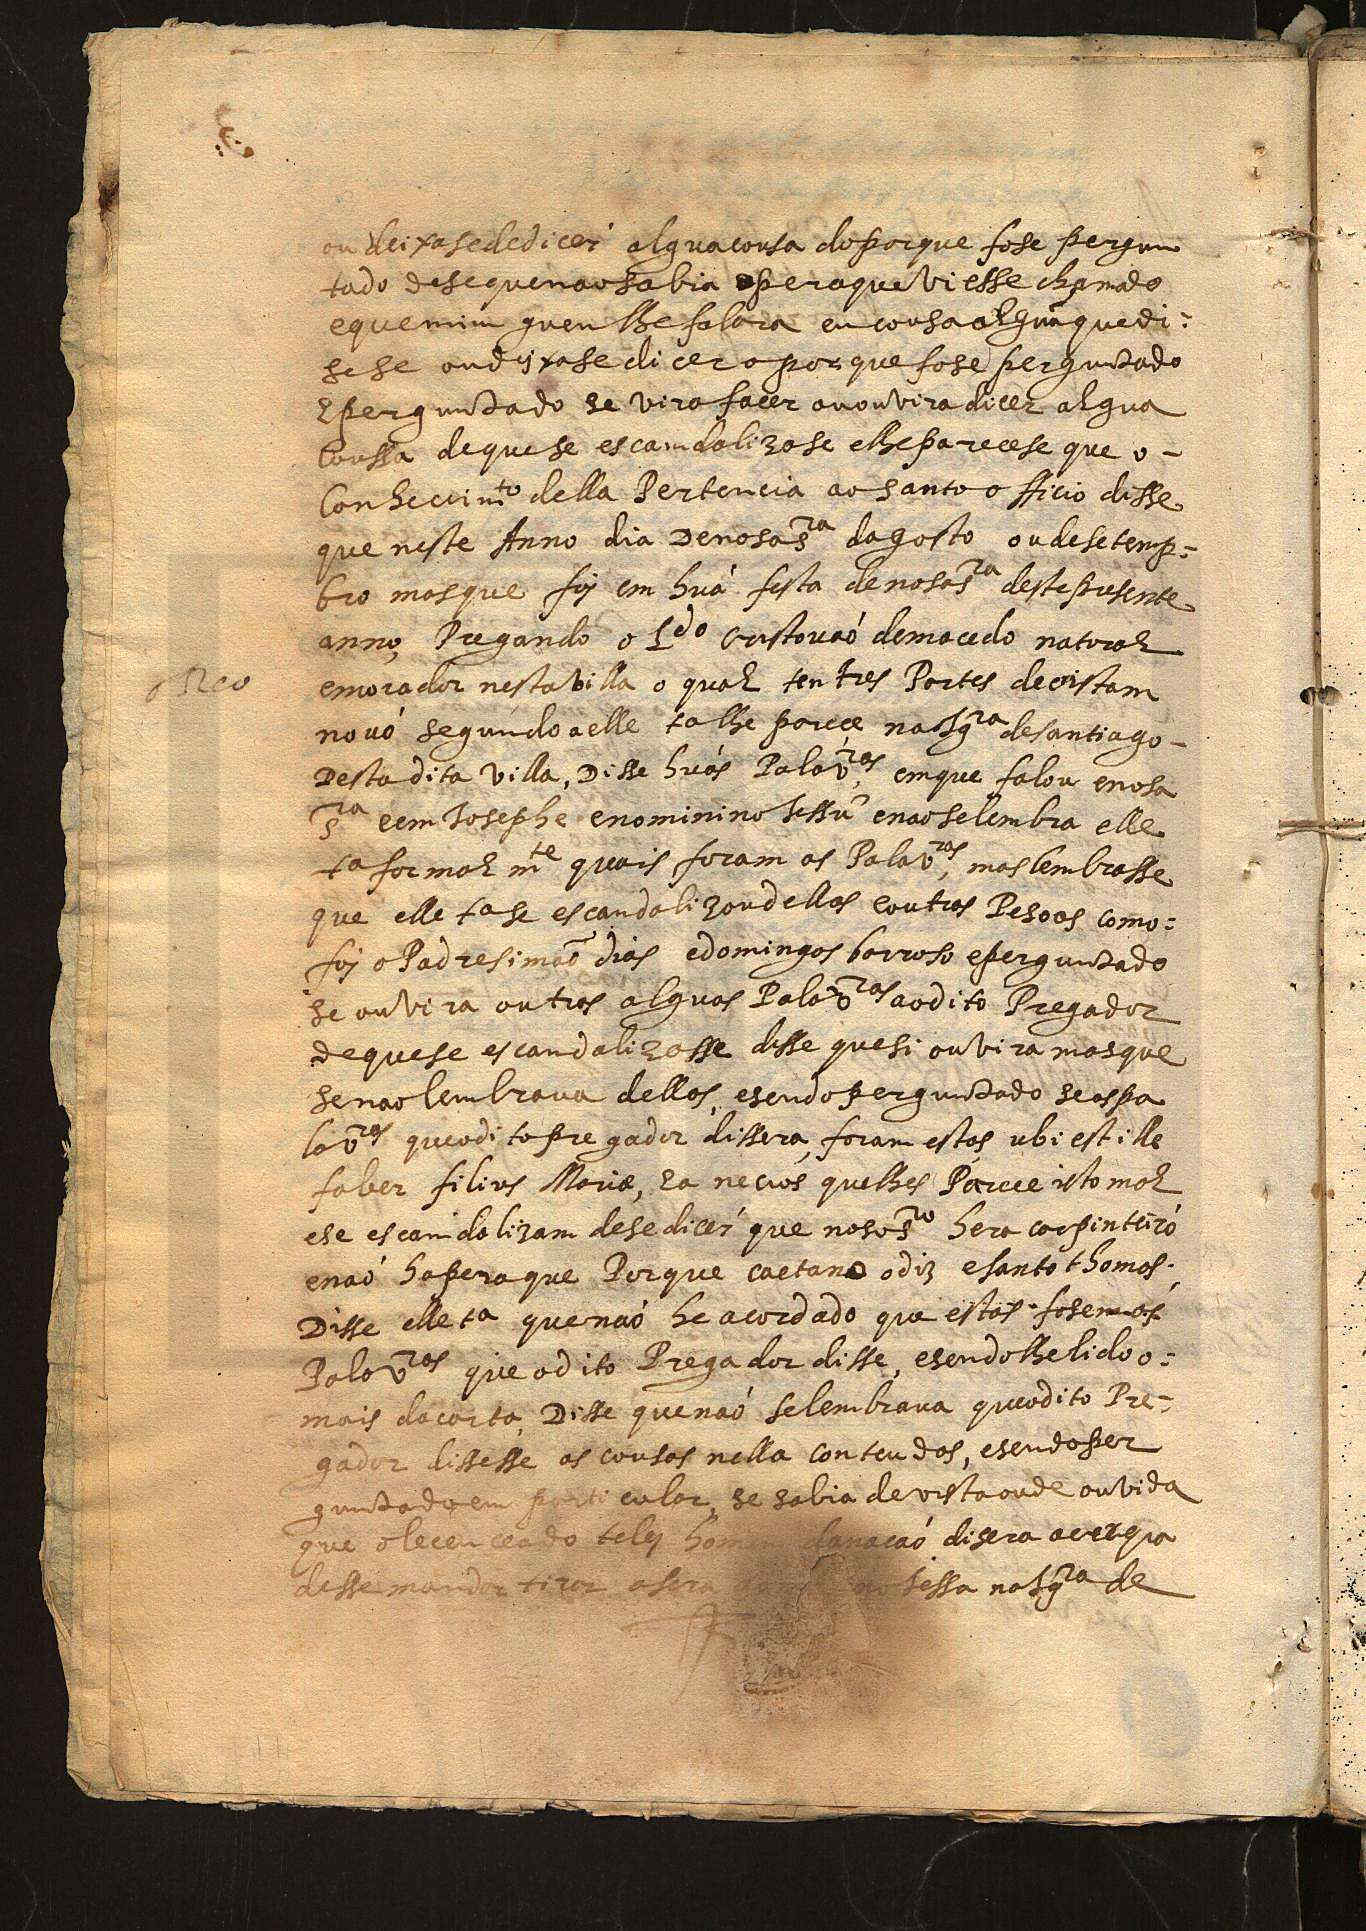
ou deixase de dicer algua cousa do porque fose pergun
tado dise que nao sabia o pera que viesse chamado
e que nimguem lhe falara em cousa alguā que di
sese ou dejxase dicer o porque fose perguntado
E perguntado se vira facer ou ouvira dicer algua
coussa de que se escamdalizase e lhe parecese que o
conhecimto della Pertencia ao santo officio disse
que neste Anno dia De nosa sra dagosto ou de setemp
bro mas que foj em huā festa de nosa sra deste presente
anno, Pregando o Ldo cristouaõ de macedo natural
e morador nesta villa o qual ten tres Partes de cristam
o Reo
nouo segundo a elle ta lhe parece na Igra de santiago
Desta dita villa, Disse huās Palavras em que falou e nosa
sra e em Iosephe e no minino Iessu e nao se lembra elle
ta formalmte quais foram as Palavras, mas lembrasse
que elle ta se escandalizou dellas e outras Pesoas como
foj o Padre simaõ dias e domingos barroso e perguntado
se ouvira outras alguas Palavras ao dito Pregador
de que se escandalizasse disse que si ouvira mas que
se nao lembraua dellas, e sendo perguntado se as pa
lavras que o dito pregador dissera, foram estas ubi est ille
faber filius Mariæ, E a necios que lhes Parece isto mal
e se escamdalizam de se dicer que noso sro hera carpinteiro
e naõ ha pera que Porque caetano o diz e santo thomas
Disse elle ta que naõ he acordado que estas fosem os
Palavras que o dito Pregador disse, e sendolhe lido o
mais da carta Disse que naõ se lembraua que o dito Pre
gador dissesse as cousas nella conteudas, e sendo per
guntado em particular, se sabia de vista onde ouvida
que o lecenceado telez homem da naçaõ disera acerqua
de sse mandar tirar a sera
Iessa na Igra de
